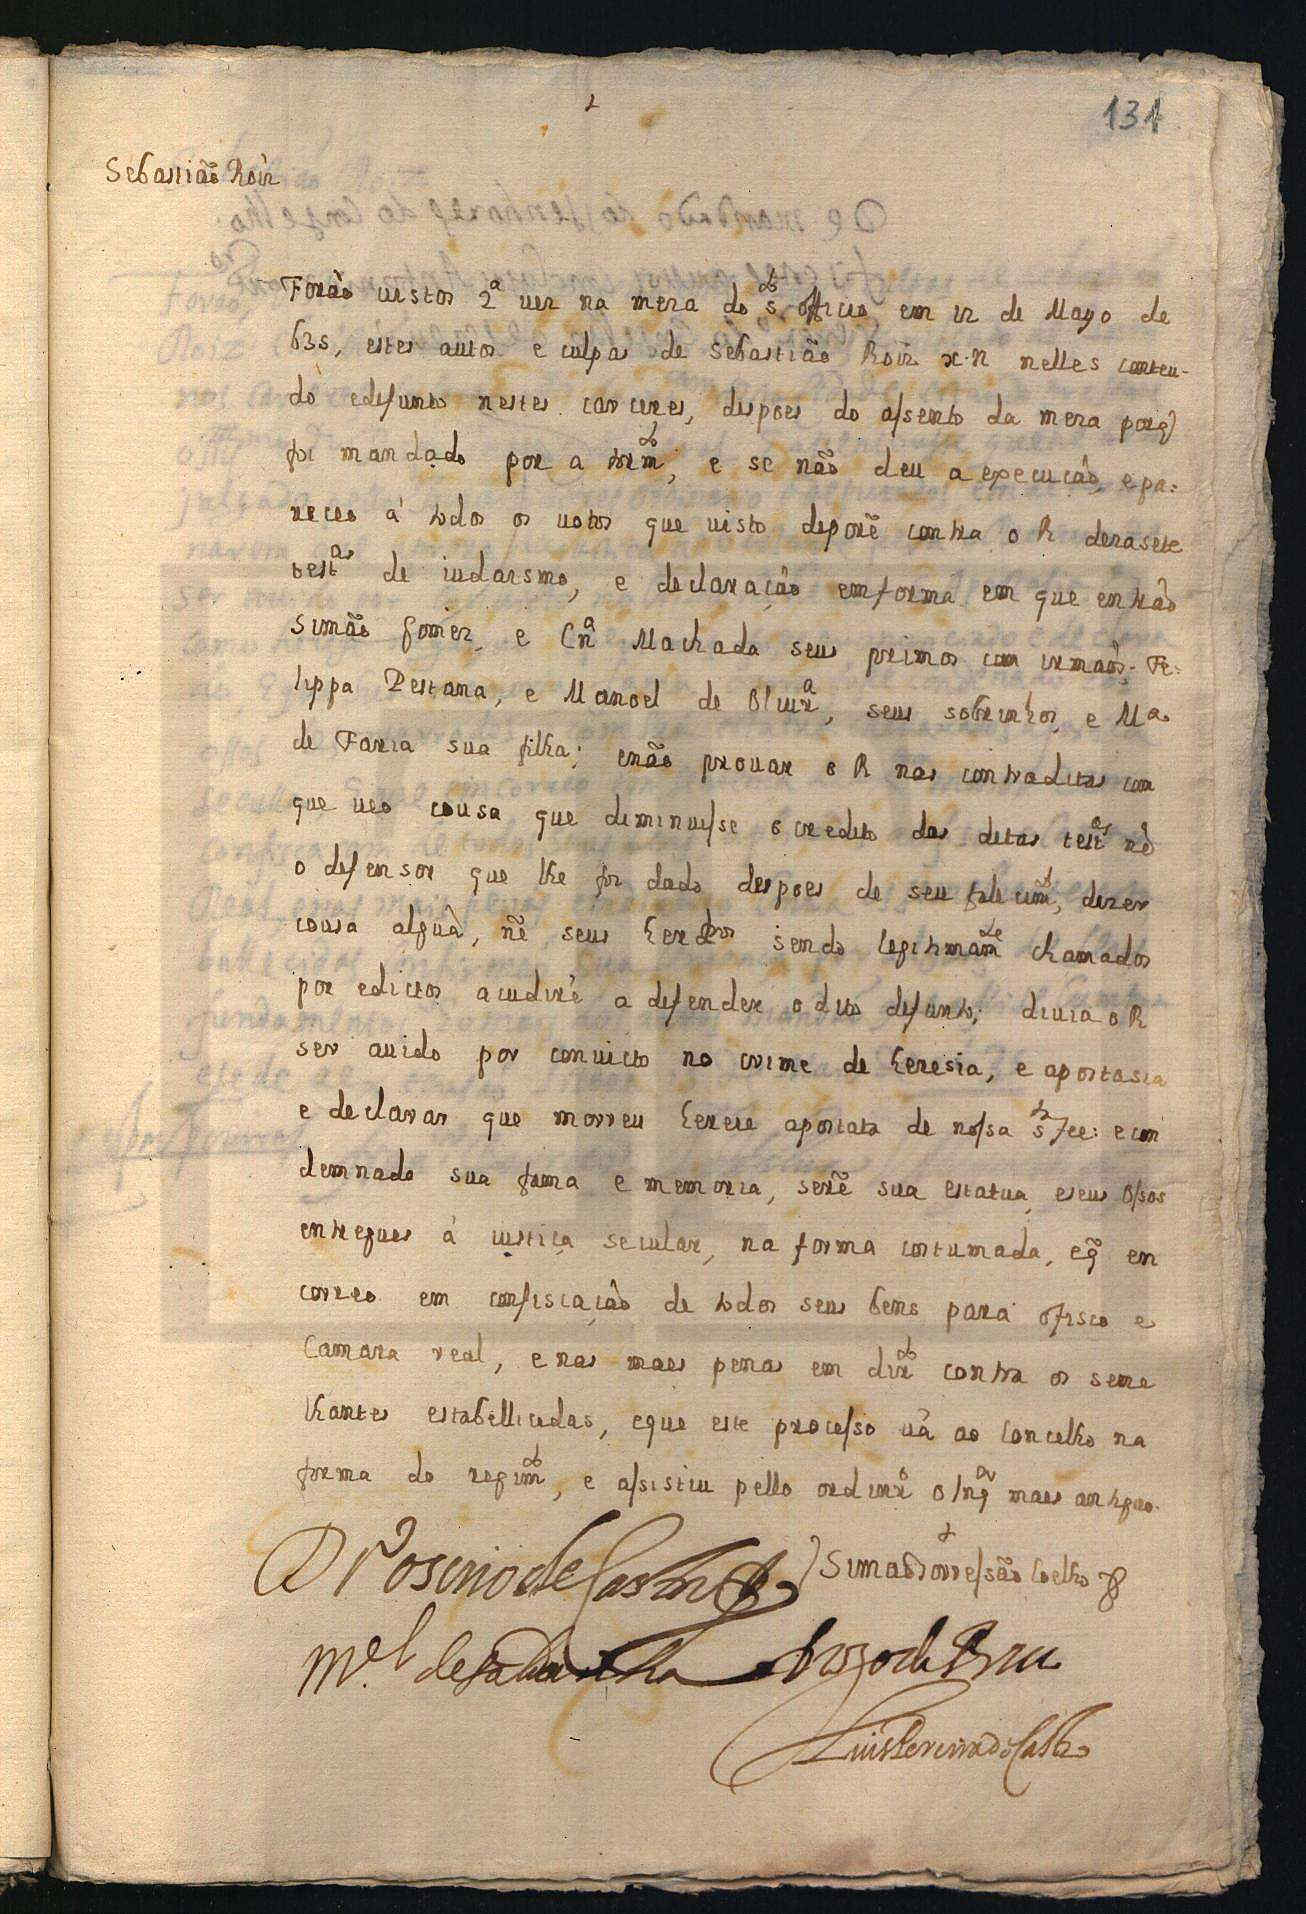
Sebastião Roiz̄
Foraõ uistos 2a uez na meza do sto officio, em 12 de Mayo de
635, estes autos e culpas de Sebastião Roiz̄ x. n nelles conteu
do e defunto nestes carceres, despoes do assento da meza porq̄
foi mandado por a tormto, e se não deu a execucão, e pa
receo à todos os uotos que uisto deporē contra o R dezasete
testas de iudaismo, e declaração em forma em que entraõ
Simão Gomez e Cna Machada seus primos com irmaõs Fe
lippa Pestana, e Manoel de Oliura, seus sobrinhos, e Ma
de Faria sua filha; e não prouar o R nas contraditas com
que ueo cousa que diminuisse o credito das ditas testas nē
o defensor que lhe foi dado despoes de seu falecimto, dizer
cousa alguā, nē seus herdros sendo legitimamte chamados
por edictos acudirē a defender o dito defunto; diuia o R
ser auido por conuicto no crime de heresia, e apostasia
e declarar que morreu hereie apostata de nossa sta fee: e con
demnado sua fama e memoria, serē sua estatua, e seus ossos
entregues à iustiça secular, na forma costumada, e q̄ en
correo em confiscação de todos seus bens para o fisco e
Camara real, e nas maes penas em dirto contra os seme
lhantes estabellicidas, e que este processo uá ao Concelho na
forma do regimto, e assistiu pello ordinro o Inqor maes antiguo
